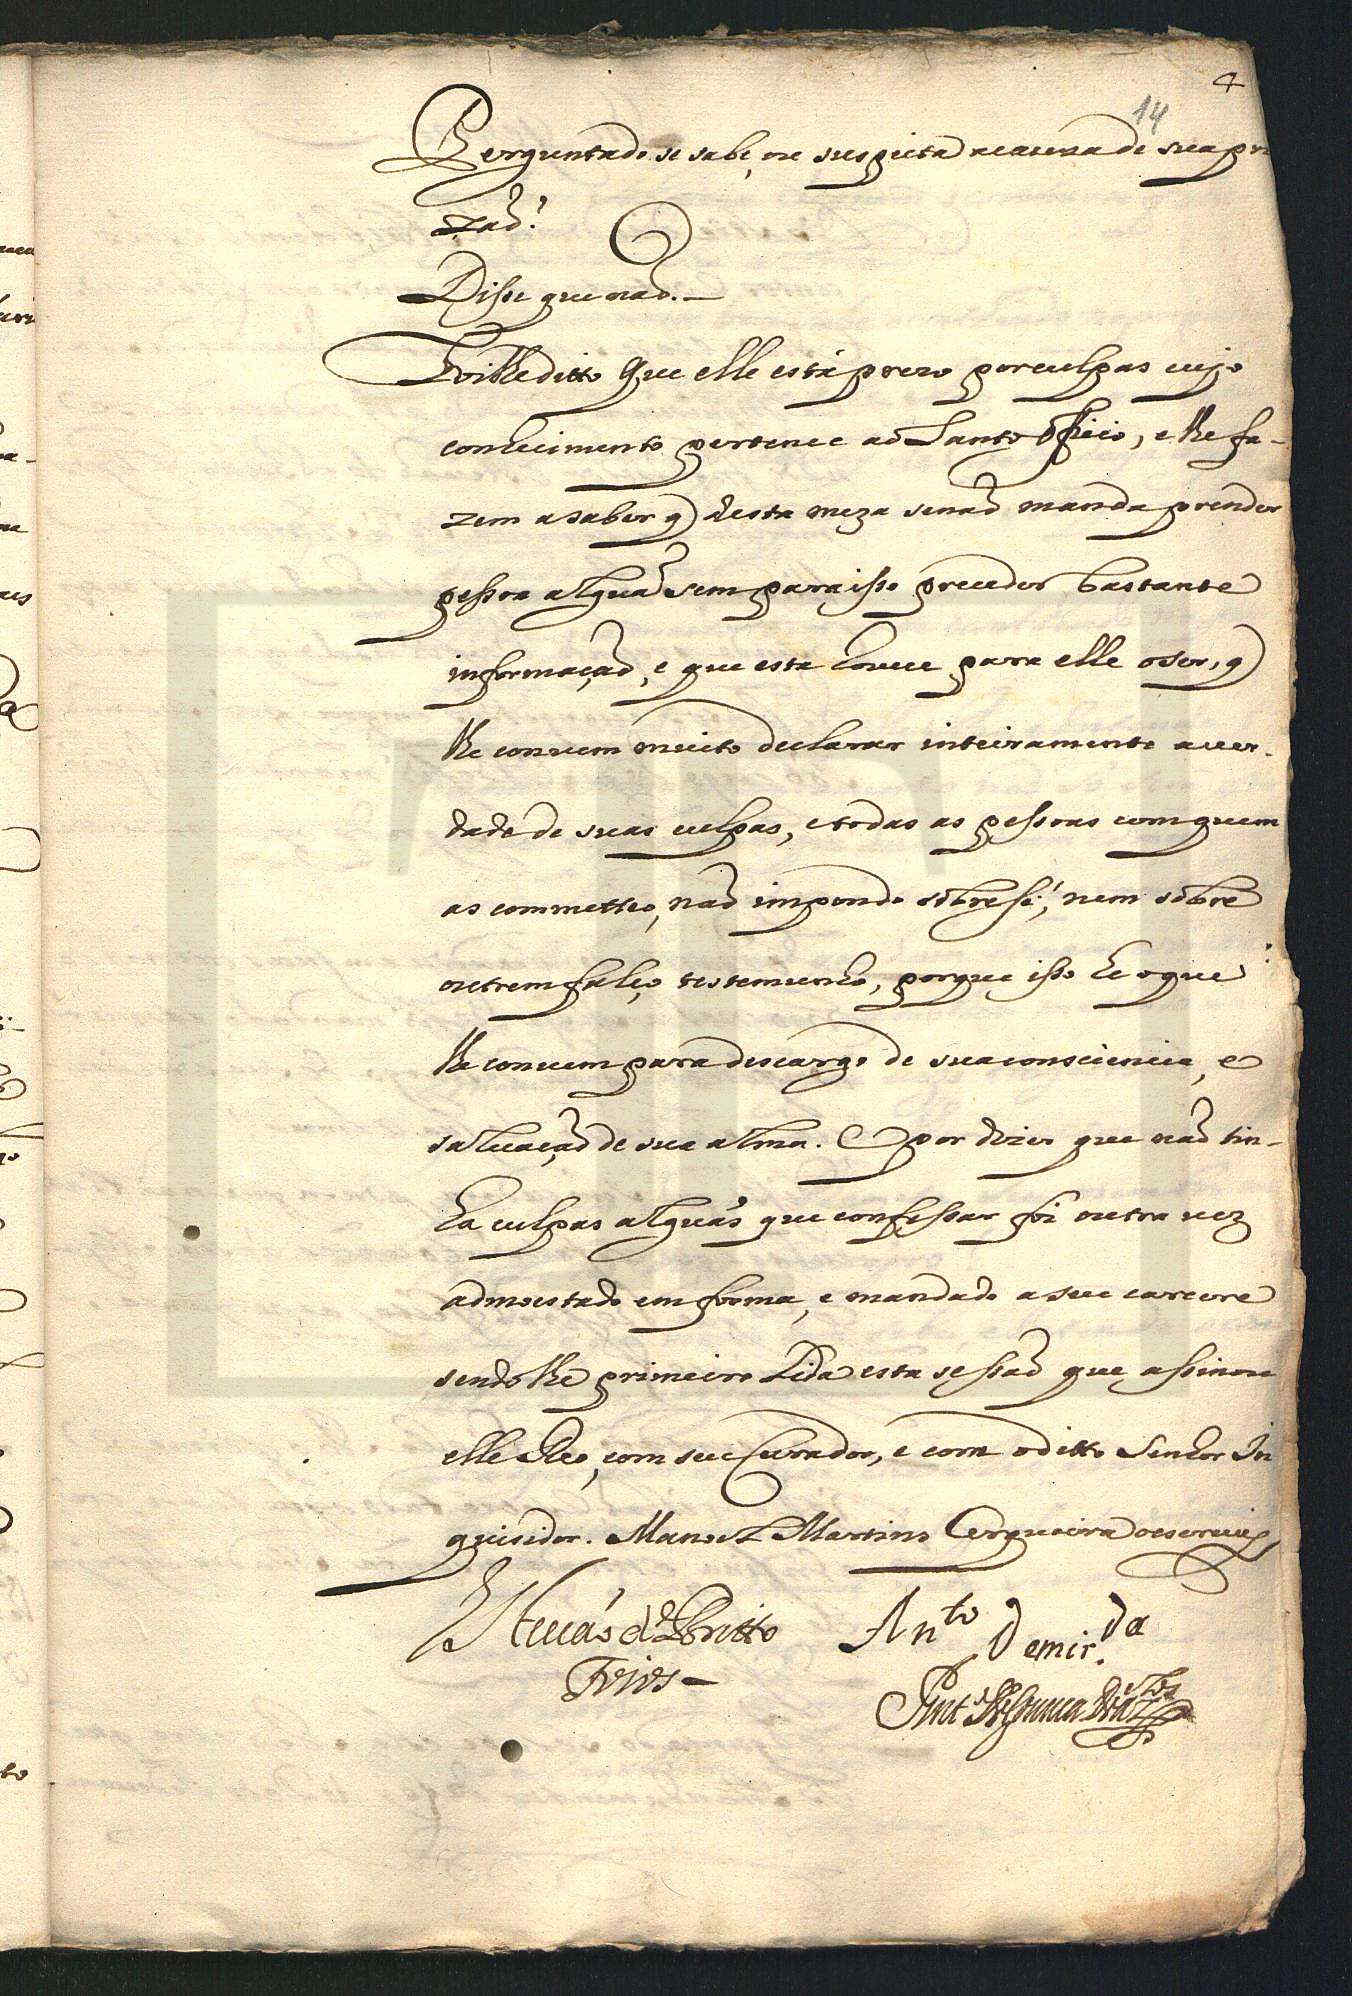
Perguntado se sabe, ou suspeita a cauza de sua pri
zaõ?
Disse que naõ. ‒
Foilhe ditto que elle está prezo por culpas cujo
conhecimento pertence ao Santo officio, e lhe fa
zem a saber q̄ desta meza se naõ manda prender
pessoa alguā sem para isso preceder bastante
informaçaõ, e que esta houue para elle o ser, q̄
lhe conuem muito declarar inteiramente a uer
dade de suas culpas, e todas as pessoas com quem
as commetteo, naõ impondo sobre si; nem sobre
outrem falço testemunho, porque isso he o que
lhe conuem para descargo de sua consciencia, e
saluaçaõ de sua alma. e por dizer que naõ tin
ha culpas alguas̄ que confessar foi outra uez
admoestado em forma, e mandado a seu carcere
sendolhe primeiro lida esta sessaõ que assinou
elle Reo, com seu Curador, e com o ditto Senhor In
quisidor. Manoel Martins Cerqueira o escreuj
